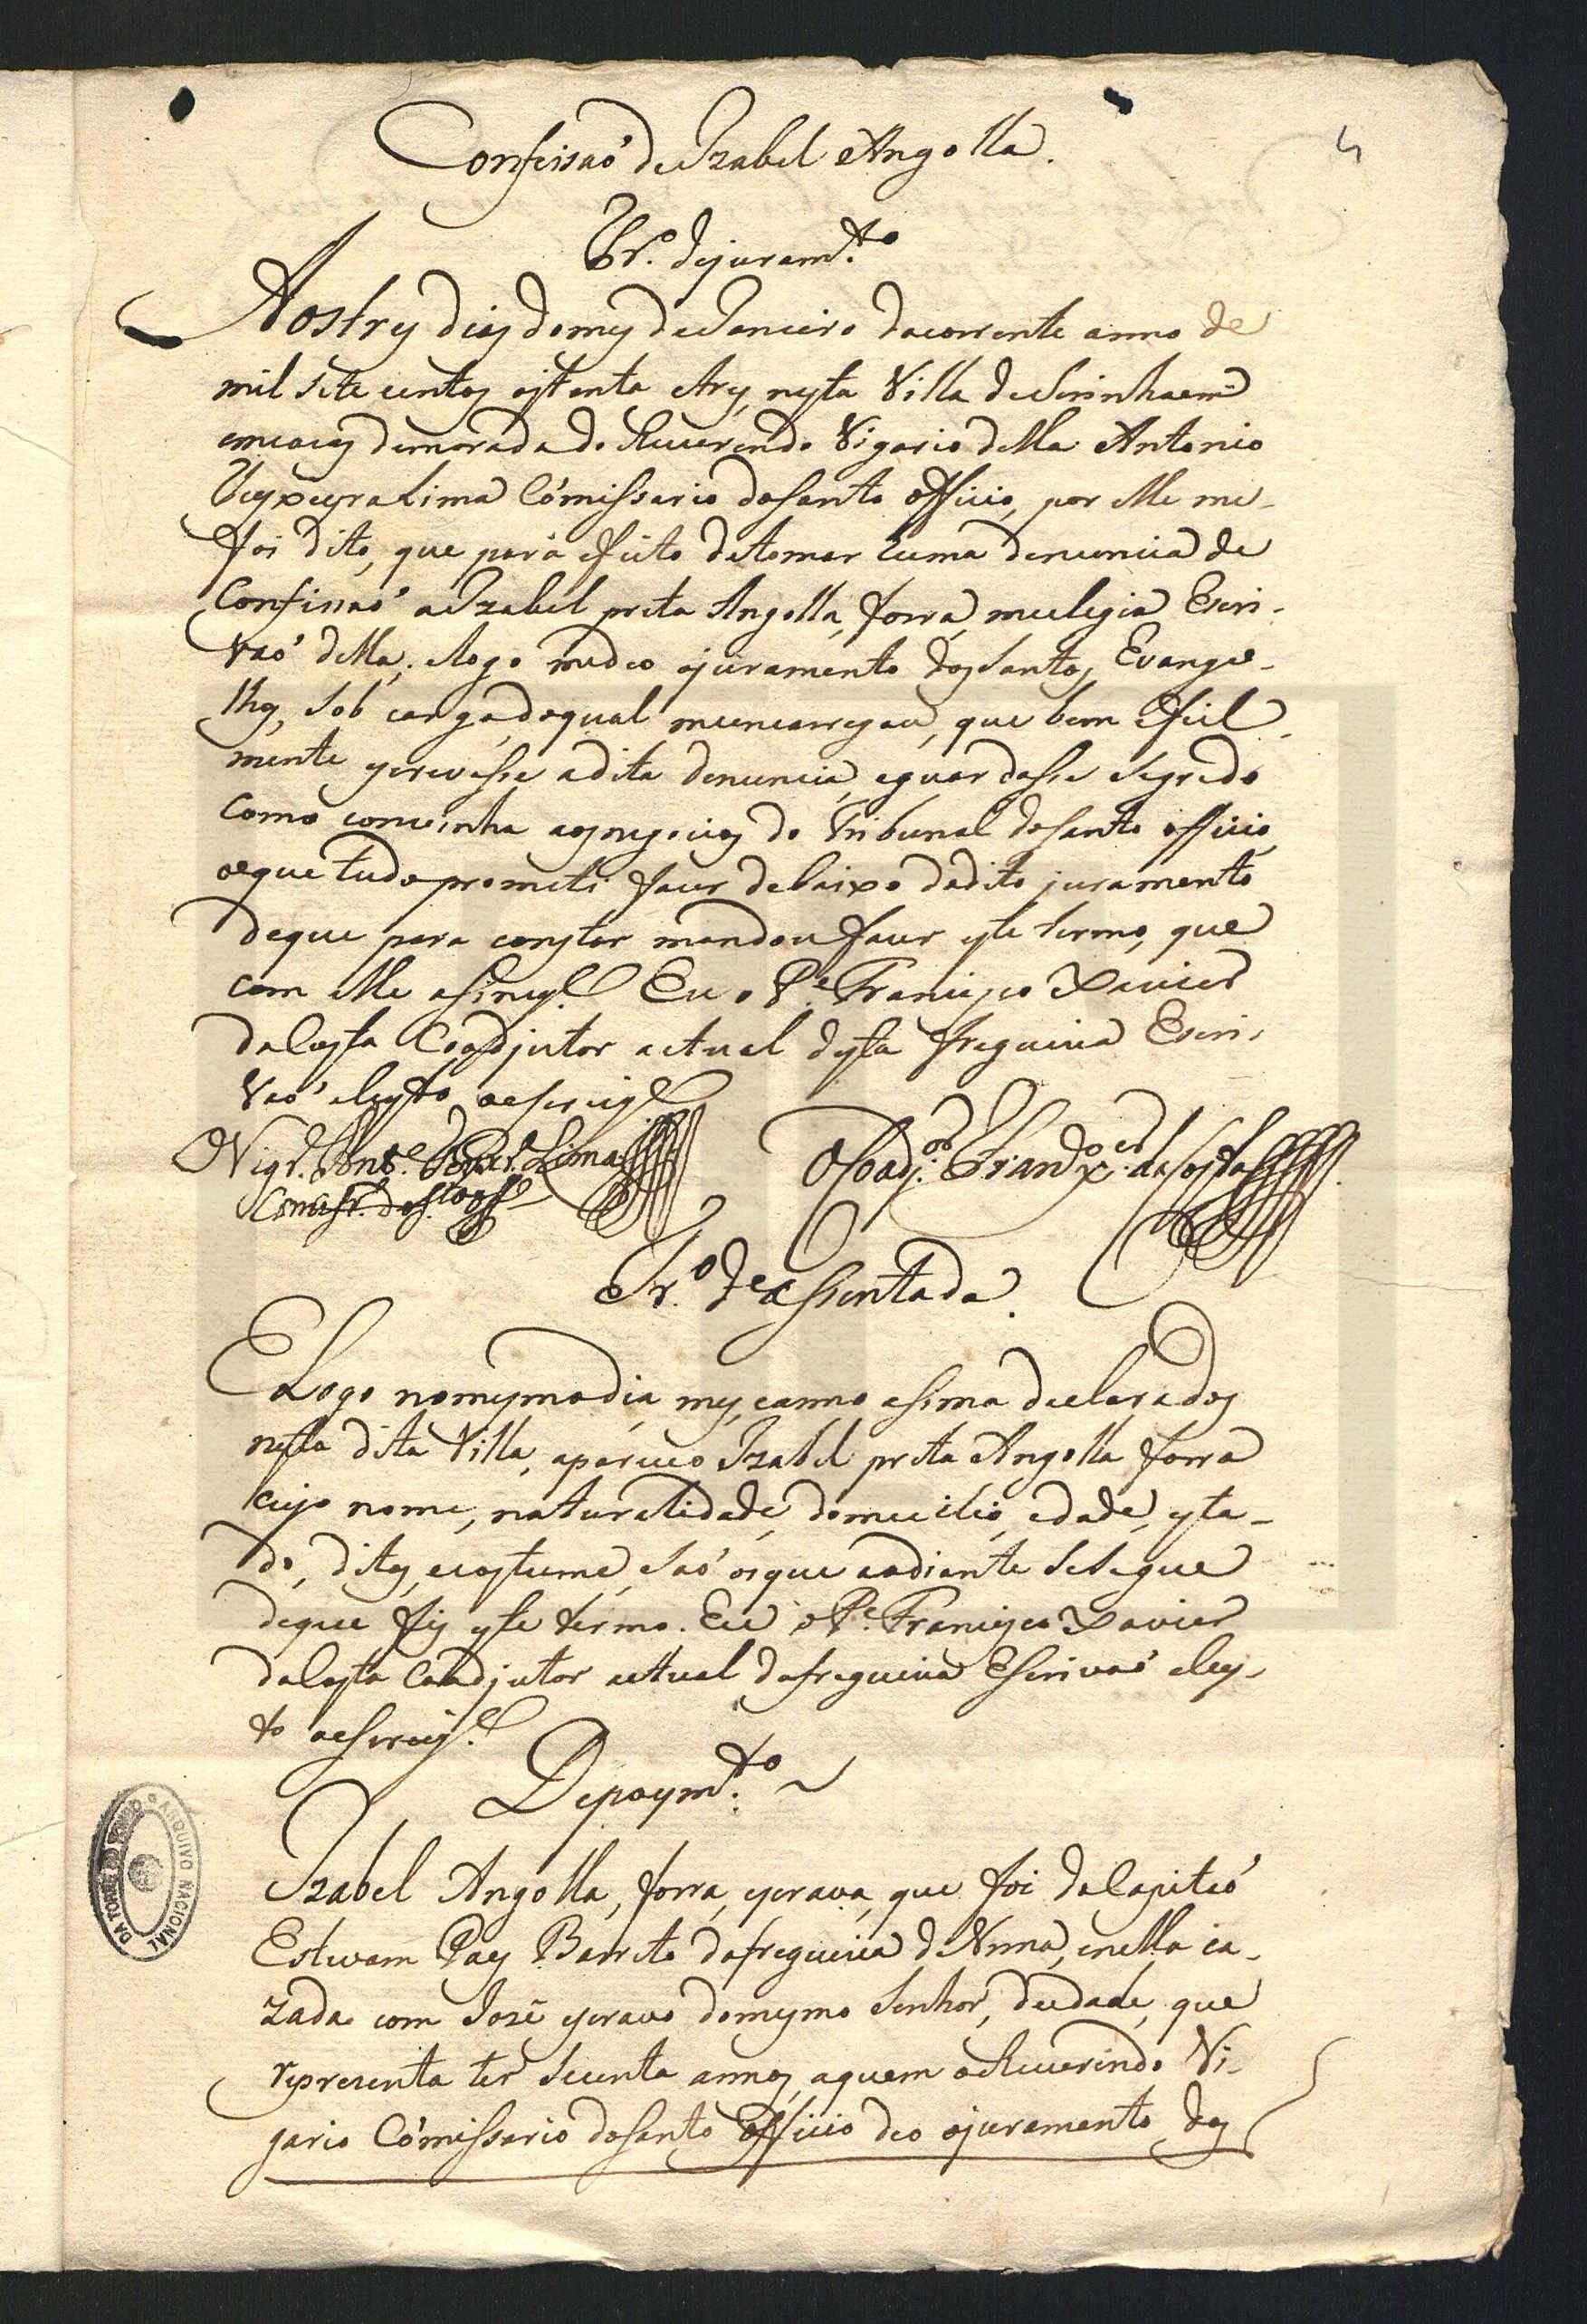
Confisaõ de Izabel Angolla.
Tr.o de juram.to
Aos tres dias do mes de Ianeiro do corrente anno de
mil setecentos ojtenta e tres, nesta Villa de Serinhaem
em cazas de morada do Reuerendo Vigario della Antonio
Teyxeyra Lima Cōmissario do santo officio, por elle me
foi dito, que para efeito de tomar huma denuncia de
confissaõ a Izabel preta Angolla, forra, me elegia Escri
vaõ della, e logo me deo o juramento dos santos Evange
lhos, sob cargo do qual me encarregou, que bem e feil
mente escrevesse a dita Denuncia, e guardasse segredo
como convinha aos negocios do Tribunal do santo officio,
ao que tudo prometi fazer debaixo do dito juramento
de que para constar mandou fazer este termo, que
com elle asiney. Eu o P.e Francisco Xavier
da Costa Coadjutor actual desta freguezia Escri
Vaõ eleyto o escrevy
Tr.o de assentada.
E Logo no mesmo dia, mes, e anno asima declarados
nesta dita Villa, apareceo Izabel preta Angolla forra
cujo nome, naturalidade, domecilio, edade, esta
do, ditos, e costume, saõ os que aodiante se segue
de que fis este termo. Eu o P.e Francisco xavier
da Costa Coadjutor actual da freguezia Escrivaõ eley
to o escrevy.
Depoym.to
Izabel Angolla, forra, escrava, que foi do Capitaõ
Estevam Paes Barreto da freguezia de Vnna, e nella ca
zada com Iozê escravo do mesmo Senhor, de edade, que
reprezenta ter secenta annos, a quem o Reuerendo Vi
gario Cōmissario do santo officio deo o juramento dos
